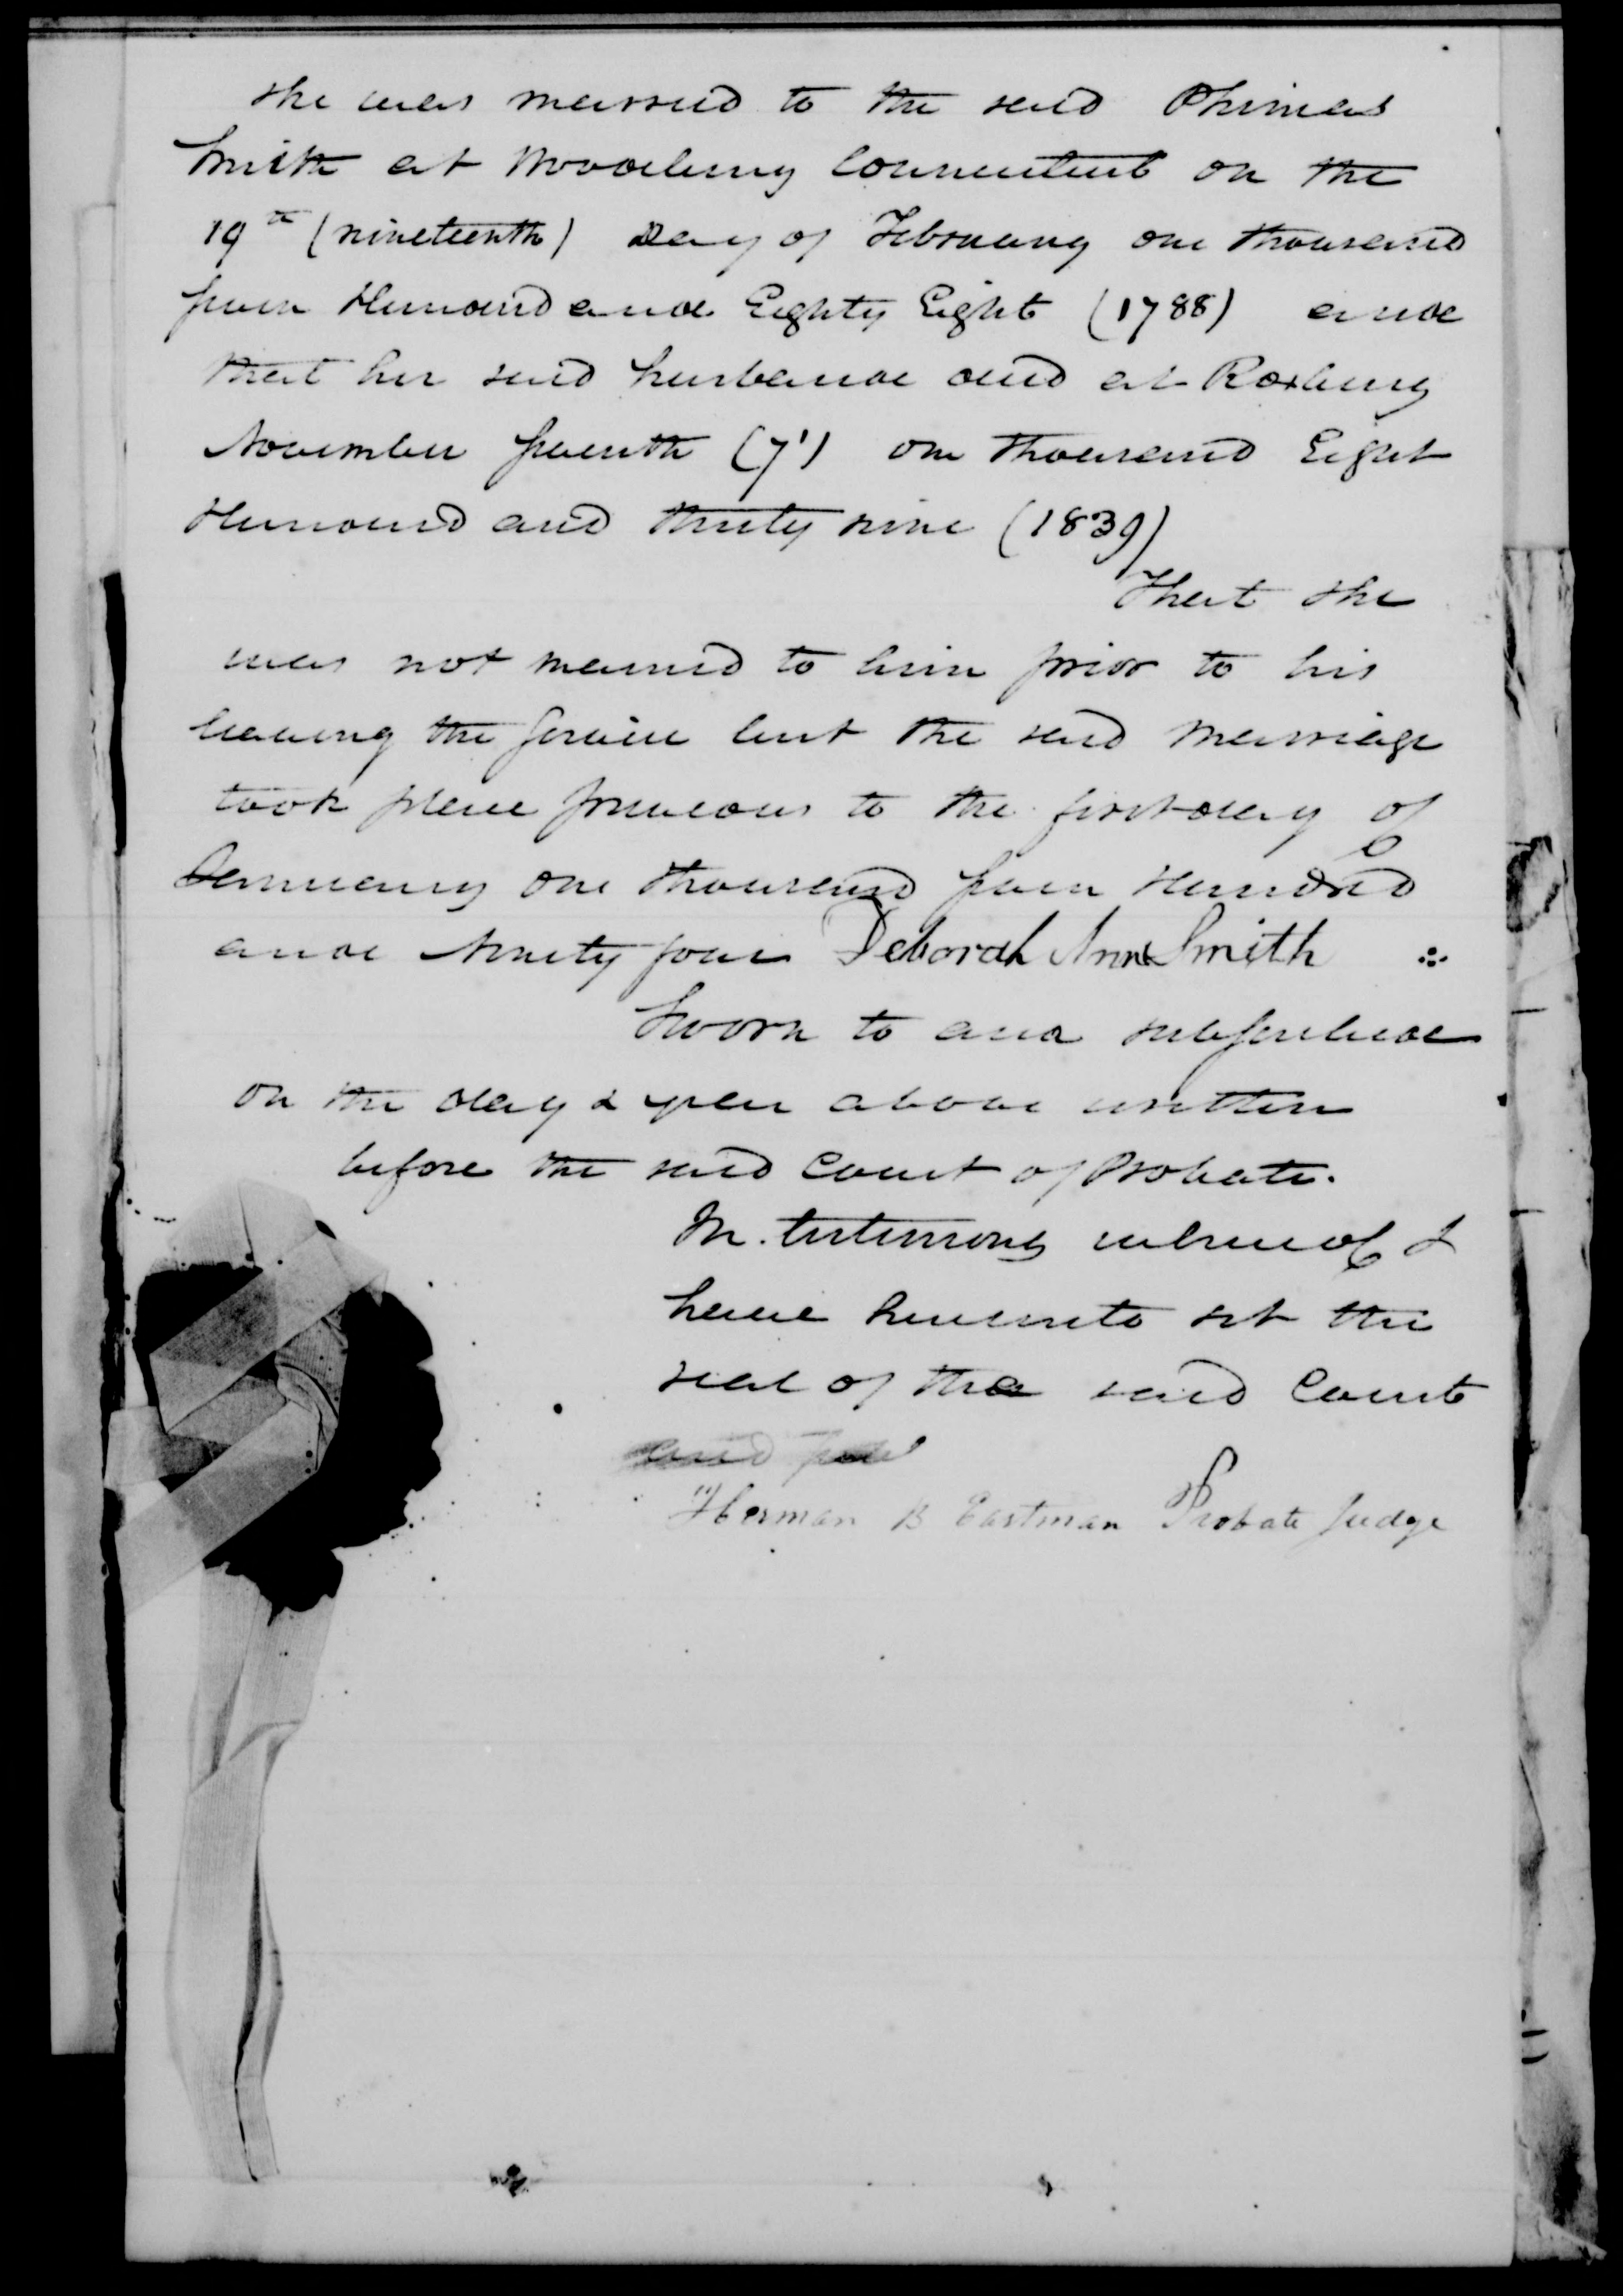She was married to the said Phineas Smith at [unreadable]  Connecticut on the 19th (nineteenth) day of February one thousand seven hundred and Eighty Eight (1788) and that her said husband died at Roxbury November Seventh (7) one thousand Eight Hundred and thirty nine (1839).   
That the was not married to him prior to his leaving the service but the said Marriage took place previous to the first day of January one thousand four hundred and Ninety four.   
Deborah Anne Smith 
Sworn to and subscribed on the day & year above written before the said Court of Probate 
In testimony whereof I have hereunto set the seal of the said Court.   
Herman B. Eastman Probate Judge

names: Deborah Ann Smith; Phineas Smith; Herman B Eastman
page: 10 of 55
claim: widow's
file: W. 11480, for Phinehas Smith, Connecticut